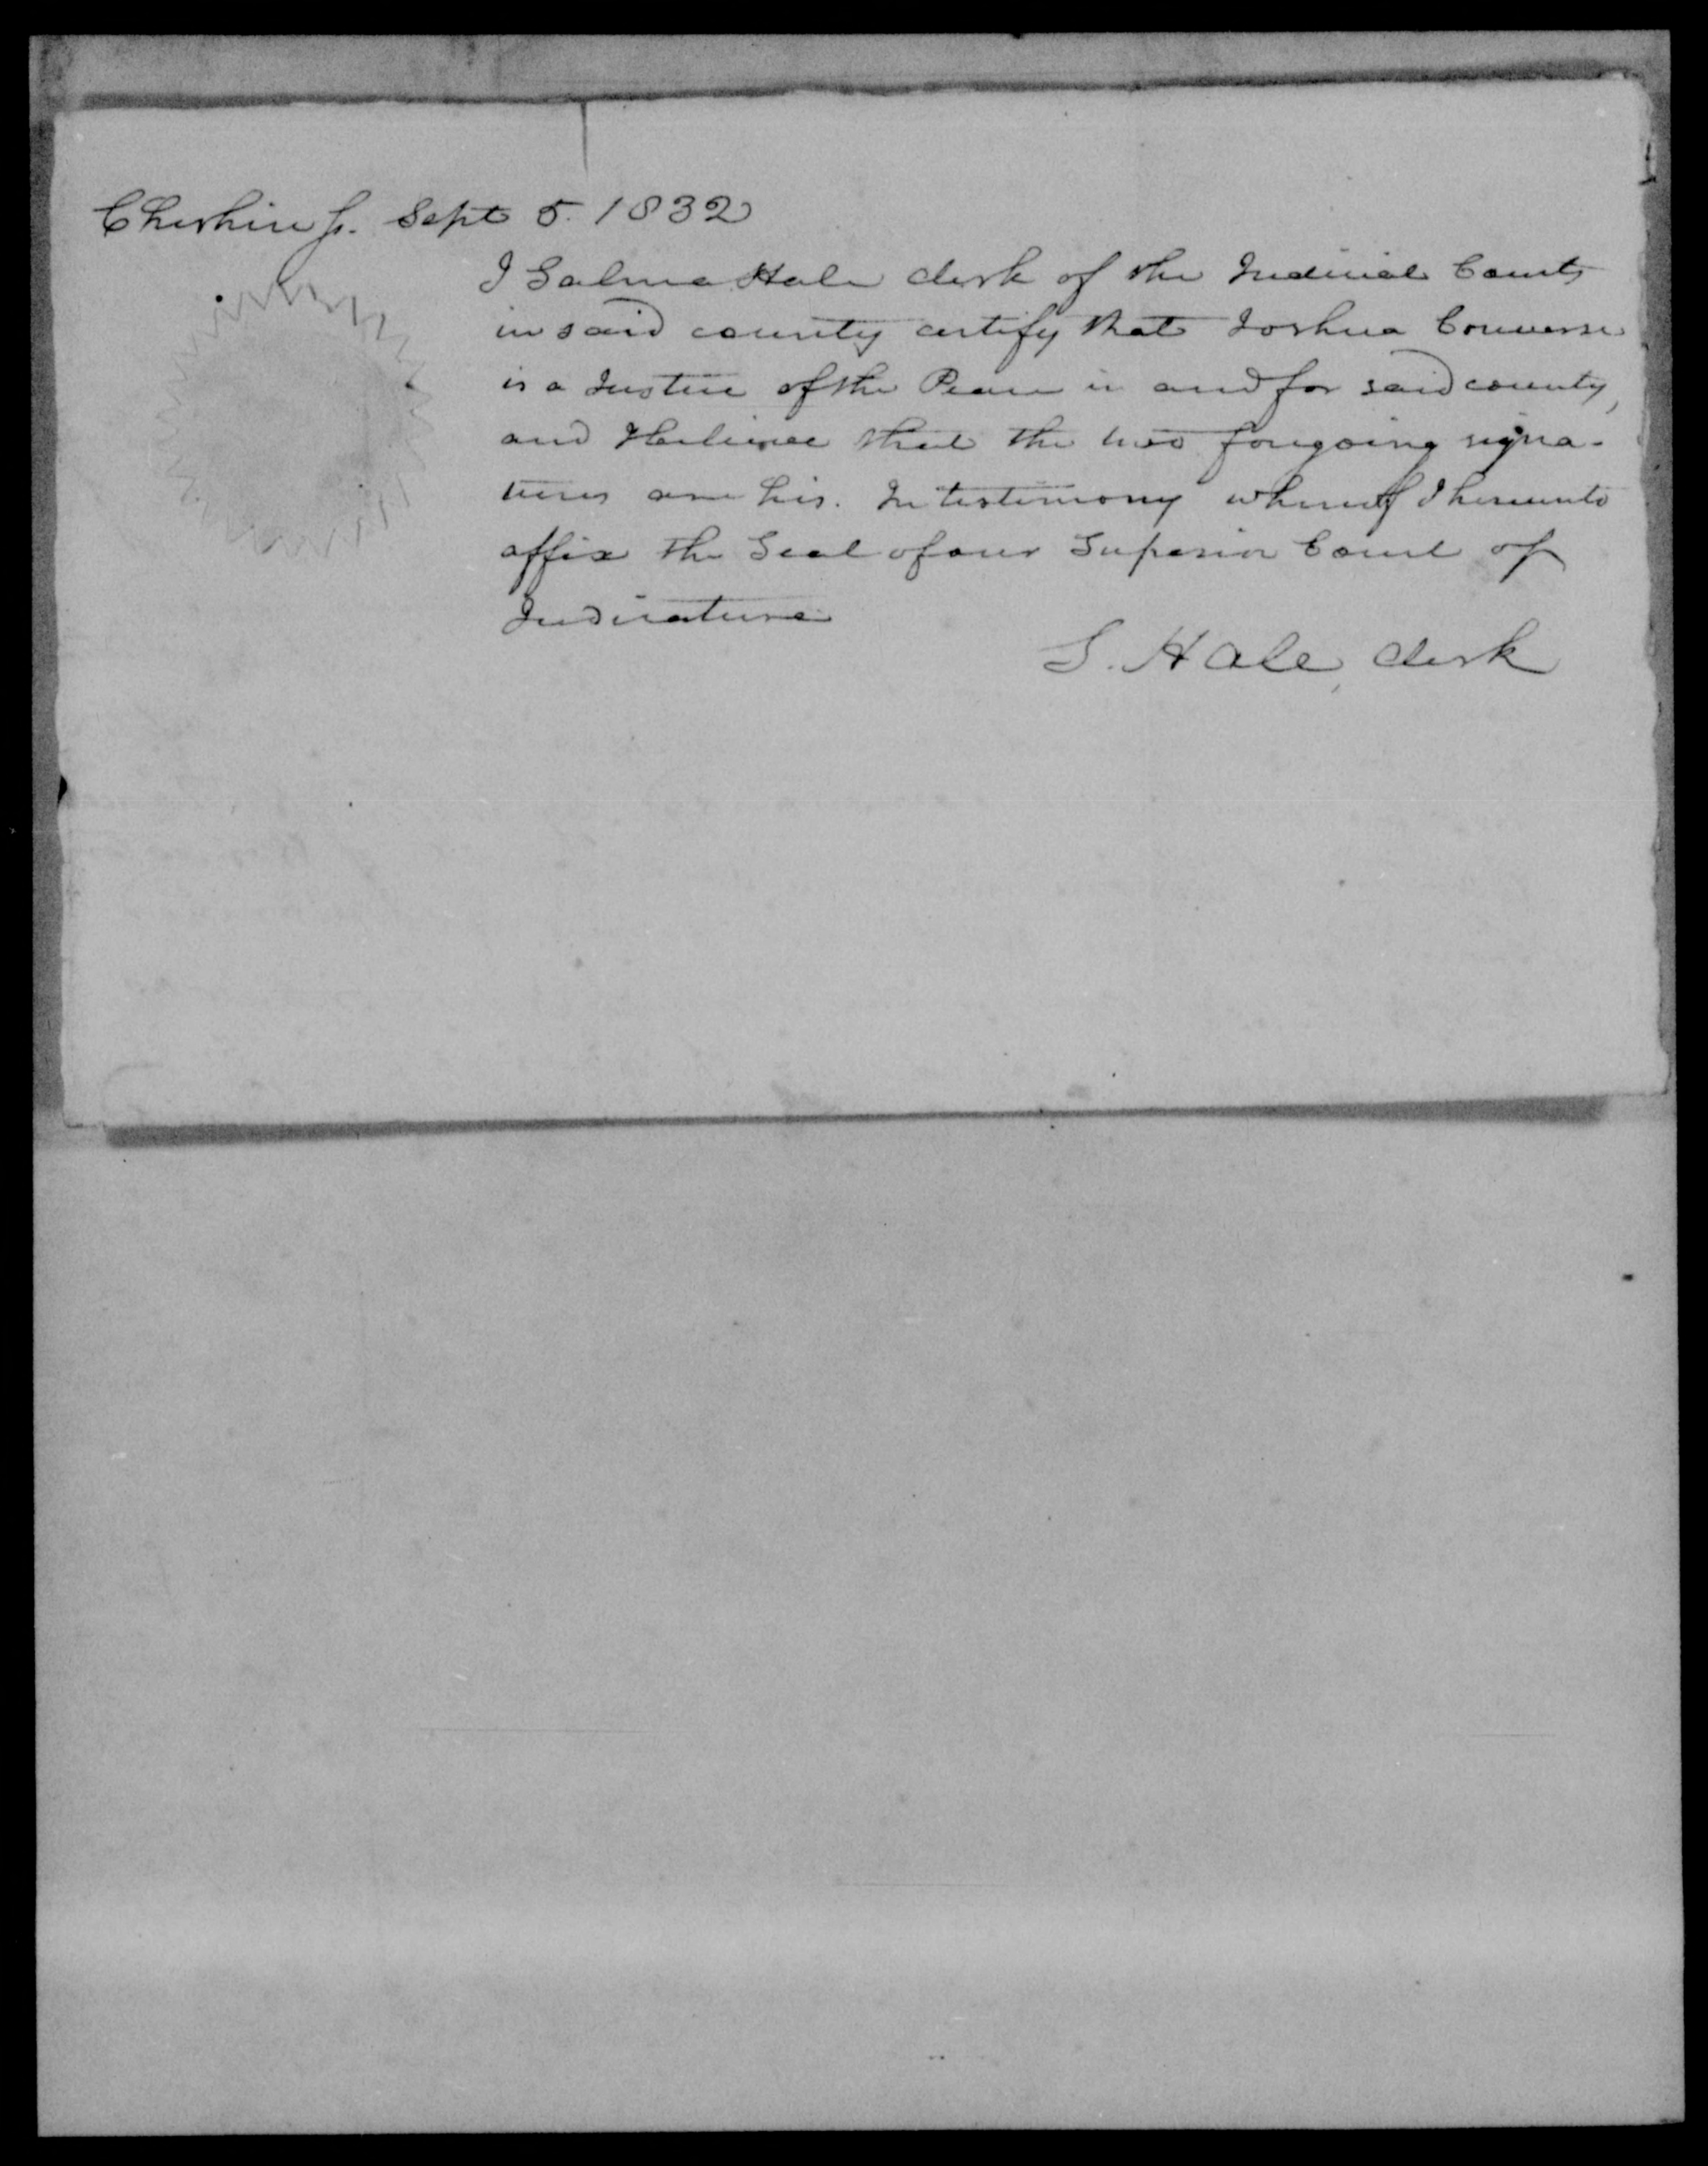Cheshire SS Sept. 5, 1832
(seal)
I Salma Hale clerk of the Judicial Courts in said county certify that Joshua Converse is a Justice of the Peace in and for said county, and I believe that the two forgoing signatures are his. In testimony whereof I hereunto affix the seal of our Superior Court of Judicature.
S. Hale, Clerk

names: Joshua Converse, Salma Hale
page: 45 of 66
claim: widow's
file: W. 2468, Amos Wetherbee, Mass.